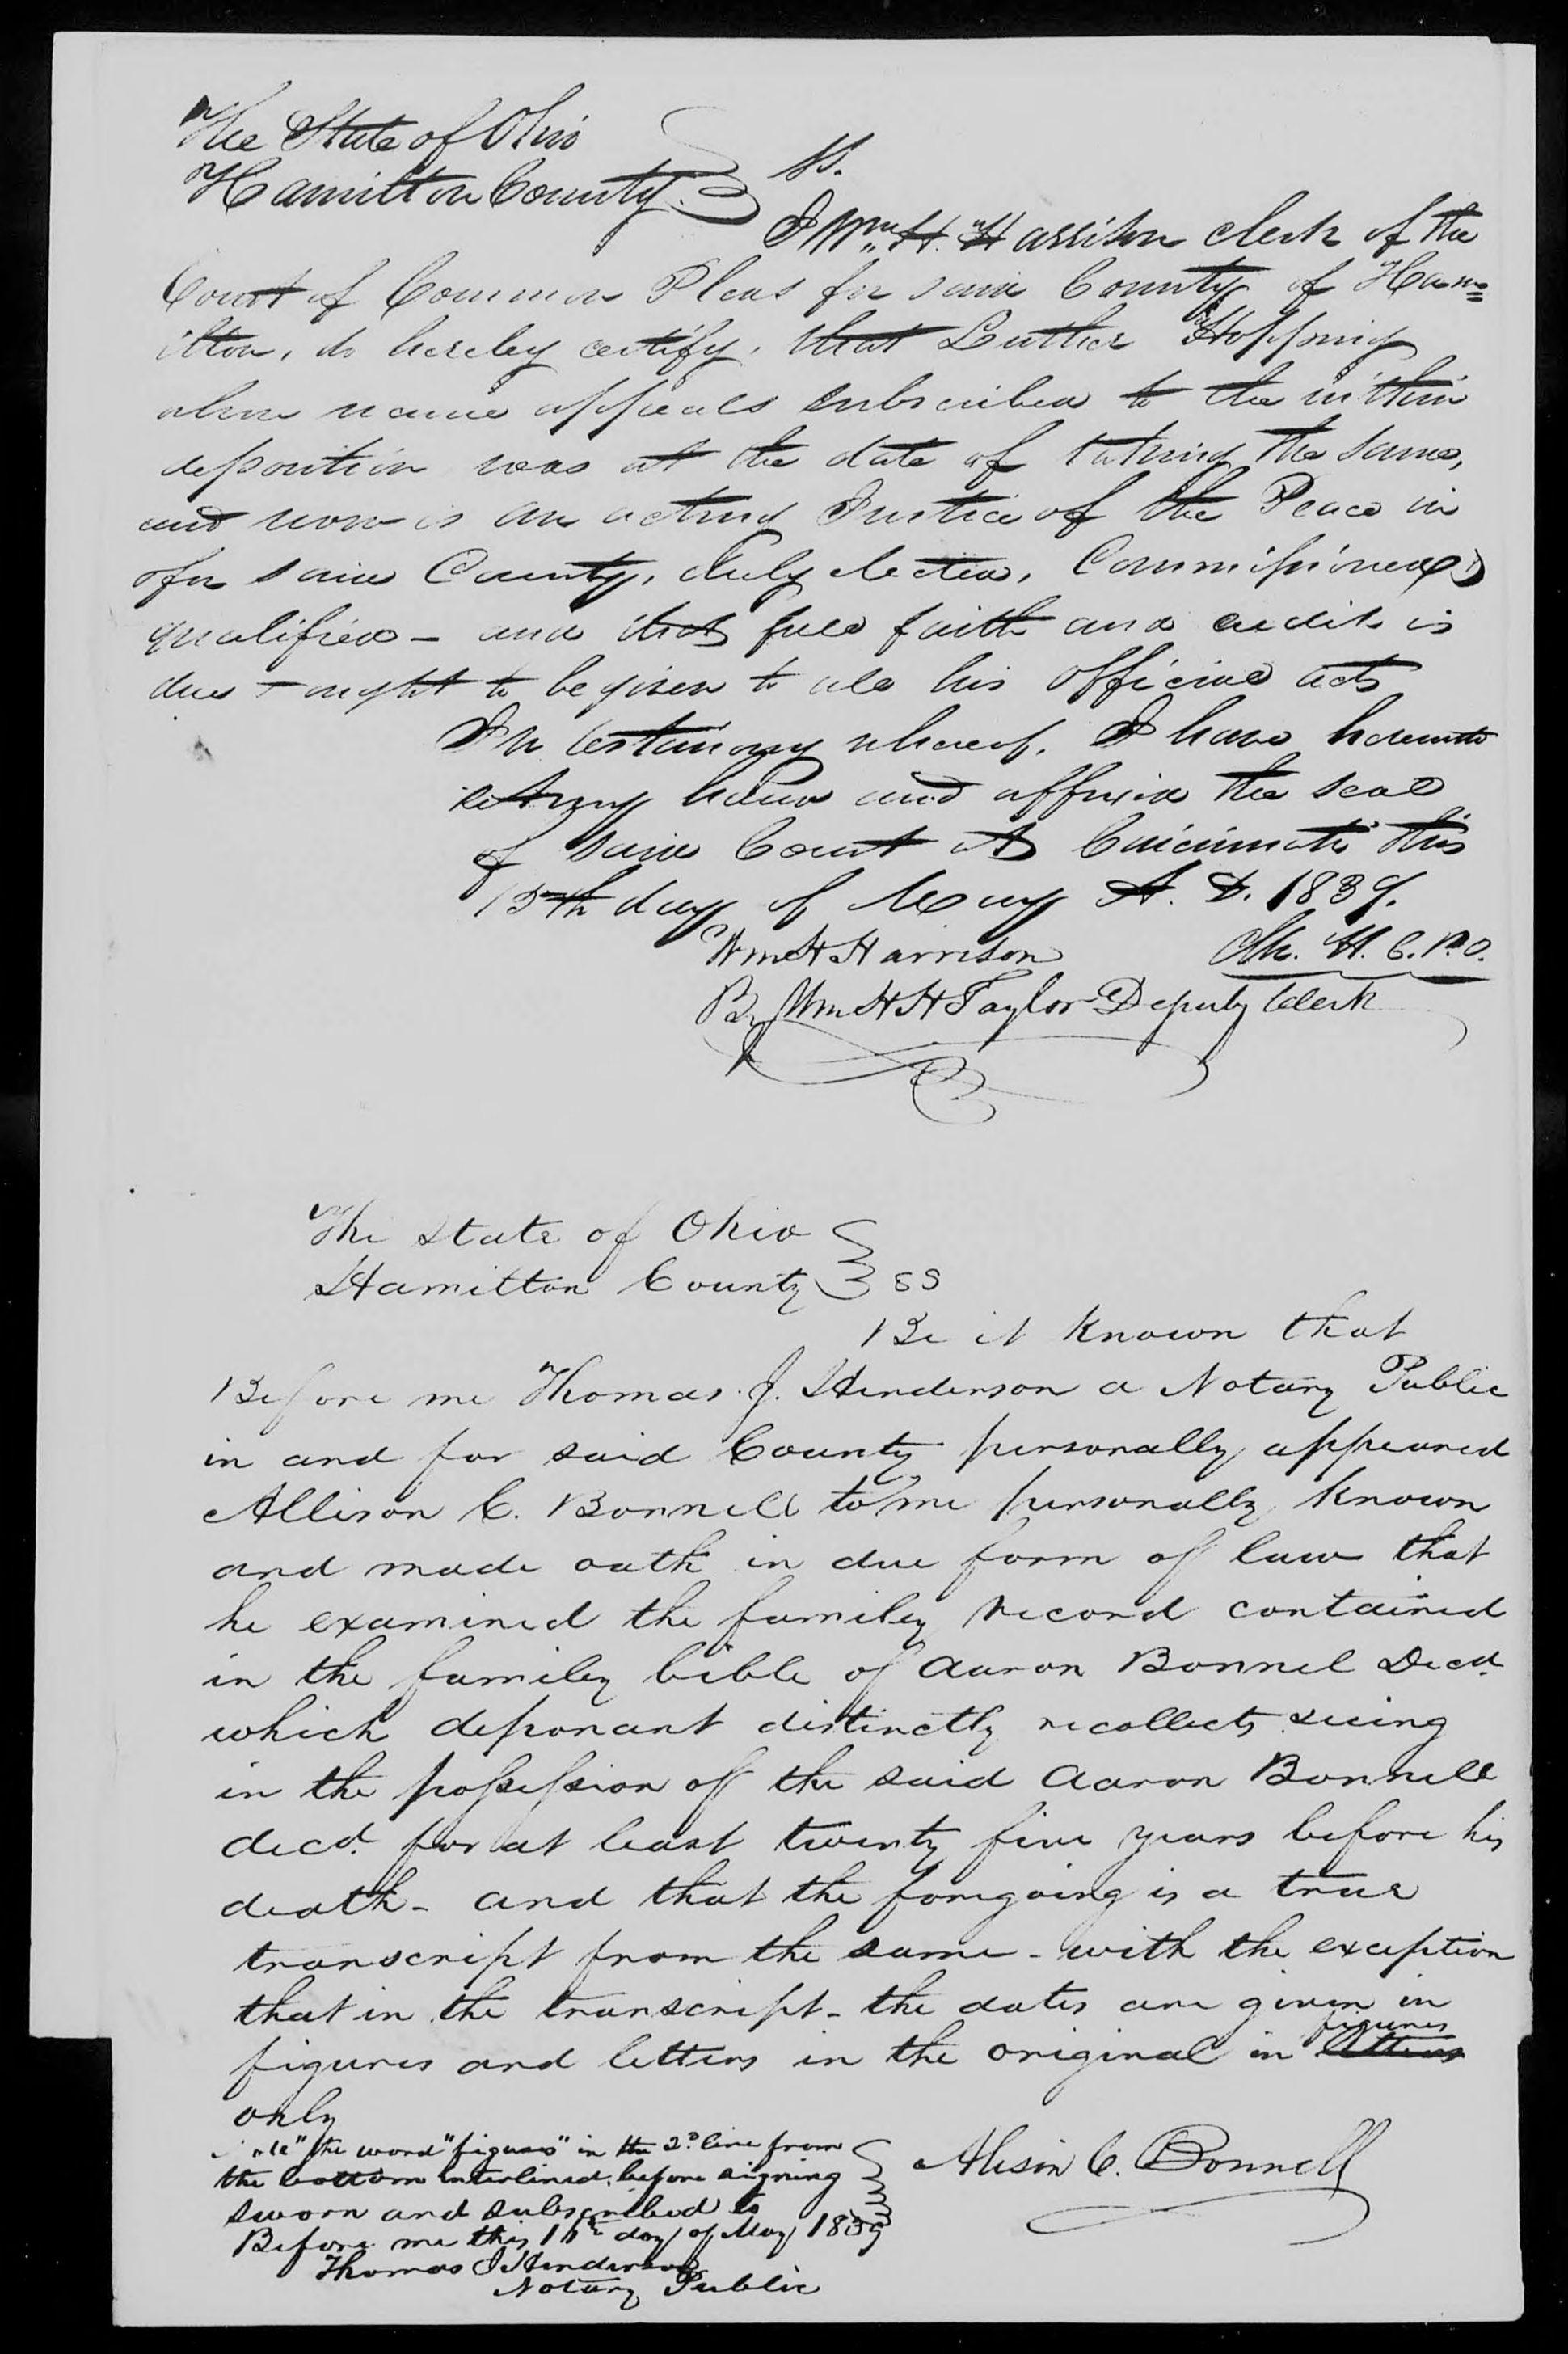The State of Ohio
Hamilton County }ss.
I Wm. H, Harrison Clerk of the Court of Common Pleas for said County of Hamilton do hereby certify that Luther Hopping whose name appears subscribed to the within deposition was at the date of the taking the same and now is an acting Justice of the Peace in & for said County, duly elected, commissioned & qualified - and that full faith and credit is due & ought to be given to all his official acts.
In testimony whereof I have hereunto set my hand and affixed the seal of said Court at Cincinnati this 15th day of May AD 1839
Wm H Harrison Clk H.C.P.O.
by Wm H. H. Taylor Deputy Clerk

The State of Ohio
Hamilton County }ss.
Be it known that before me, Thomas J Henderson, a Notary Public in and for said County personally appeared Allison C. Bonnell to me personally known and made oath in due form of law that he examined the family record contained in the family Bible of Aaron Bonnel Decd which deponent distinctly recollects seeing in the possession of the said Aaron Bonnell decd. for at least twenty five years before his death and that the foregoing is a true transcript from the same - with the exception that in the transcript the dates are given in figures and letters in the original in figures only. 
Alison C. Bonnell
Note the word "figures" in the 2nd line from the bottom interlined before signing. 
Sworn and subscribed to before me this 16th day of May 1839
Thomas H Henderson
Notary Public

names: Thomas J Henderson, Alison C Bonnell, Luther Hopping, Allison C Bonnell, Wm H H Taylor, Thomas J Henderson, Wm H Harrison, Wm H Harrison, Aaron Bonnell, Aaron Bonnel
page: 17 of 67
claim: rejected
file: R. 1009, Aaron Bonnel, New Jersey